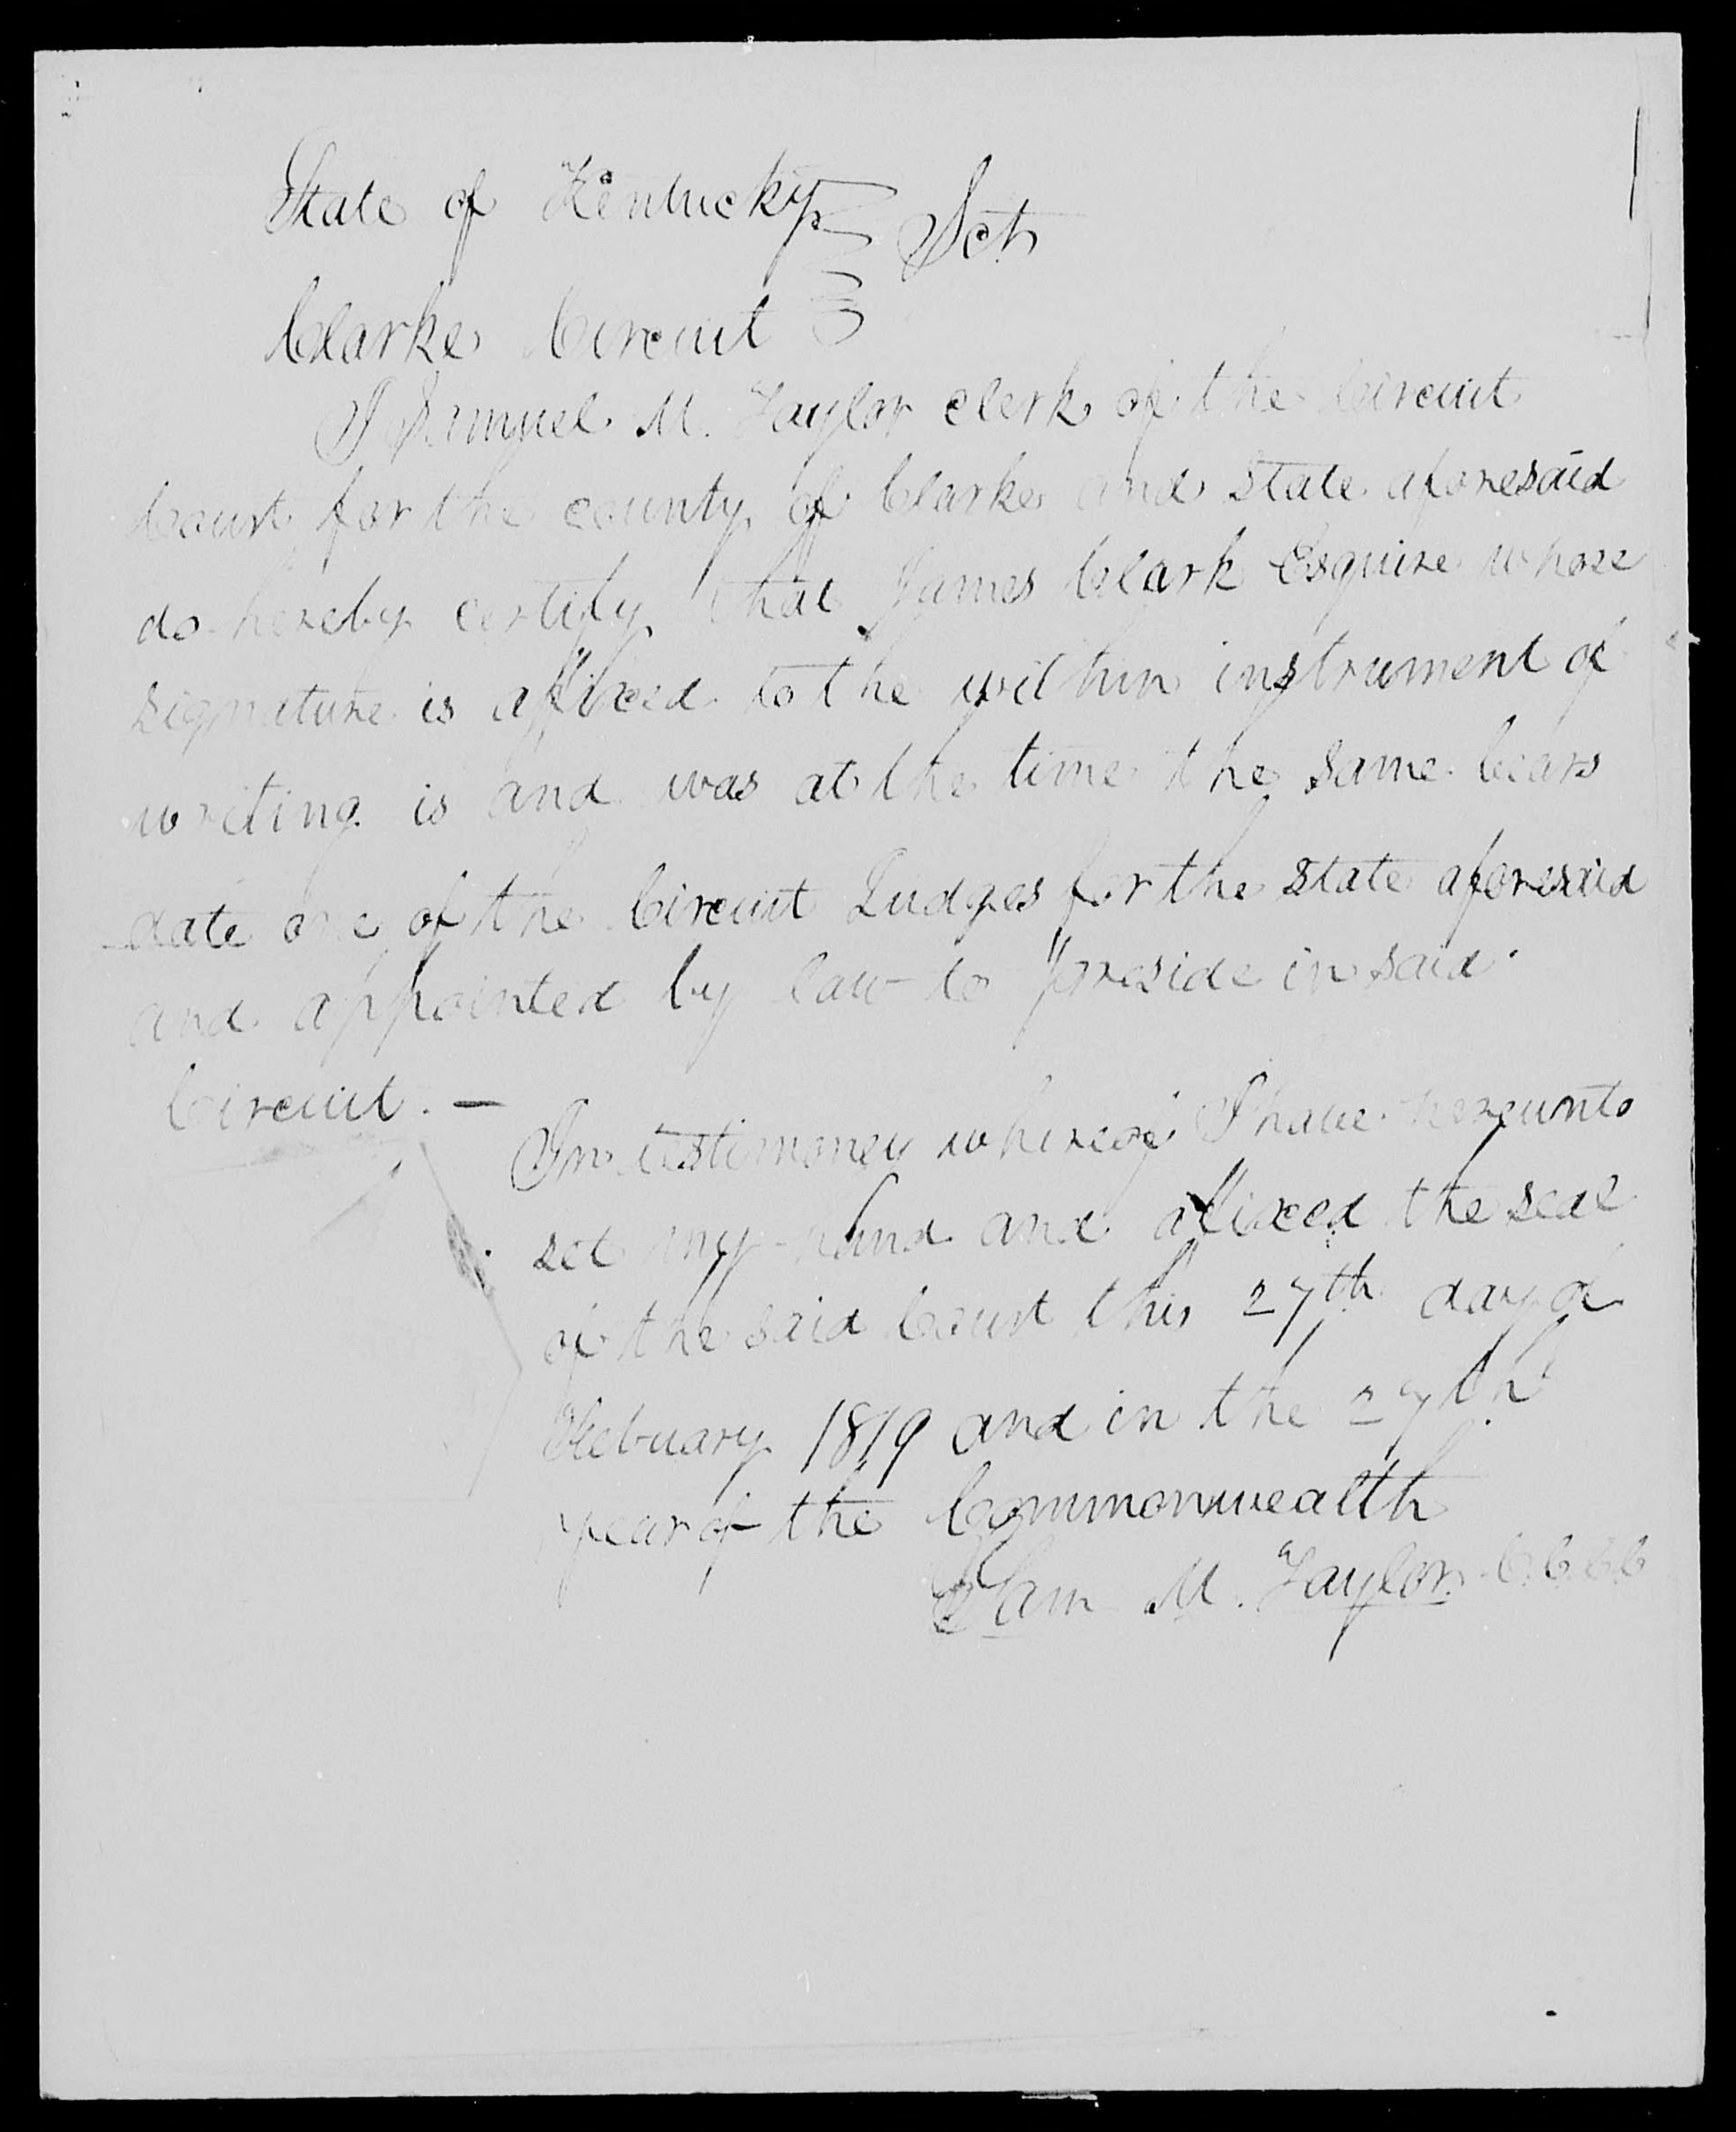State of Kentucky
Clarke Circuit Sct
I Samuel M. Taylor clerk of the Circuit Court for the county of Clarke and state aforesaid do hereby certify that James Clark Esquire whose signature is affixed to the within instrument of writing is and was at the time the same. bears date one of the Circuit Judges for the state aforesaid and appointed by law to preside in said Circuit.
In testimony whereof I have hereunto set my hand and affixed the seal of the said Court
this 27th day of February 1819 and in the 27th year of the Commonwealth
Sam M. Taylor C.C.C.C.

[illegible seal attached]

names: James Clark, Sam M Taylor, Samuel M Taylor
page: 7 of 23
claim: survivor's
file: S 35903, John Dunn, Va.